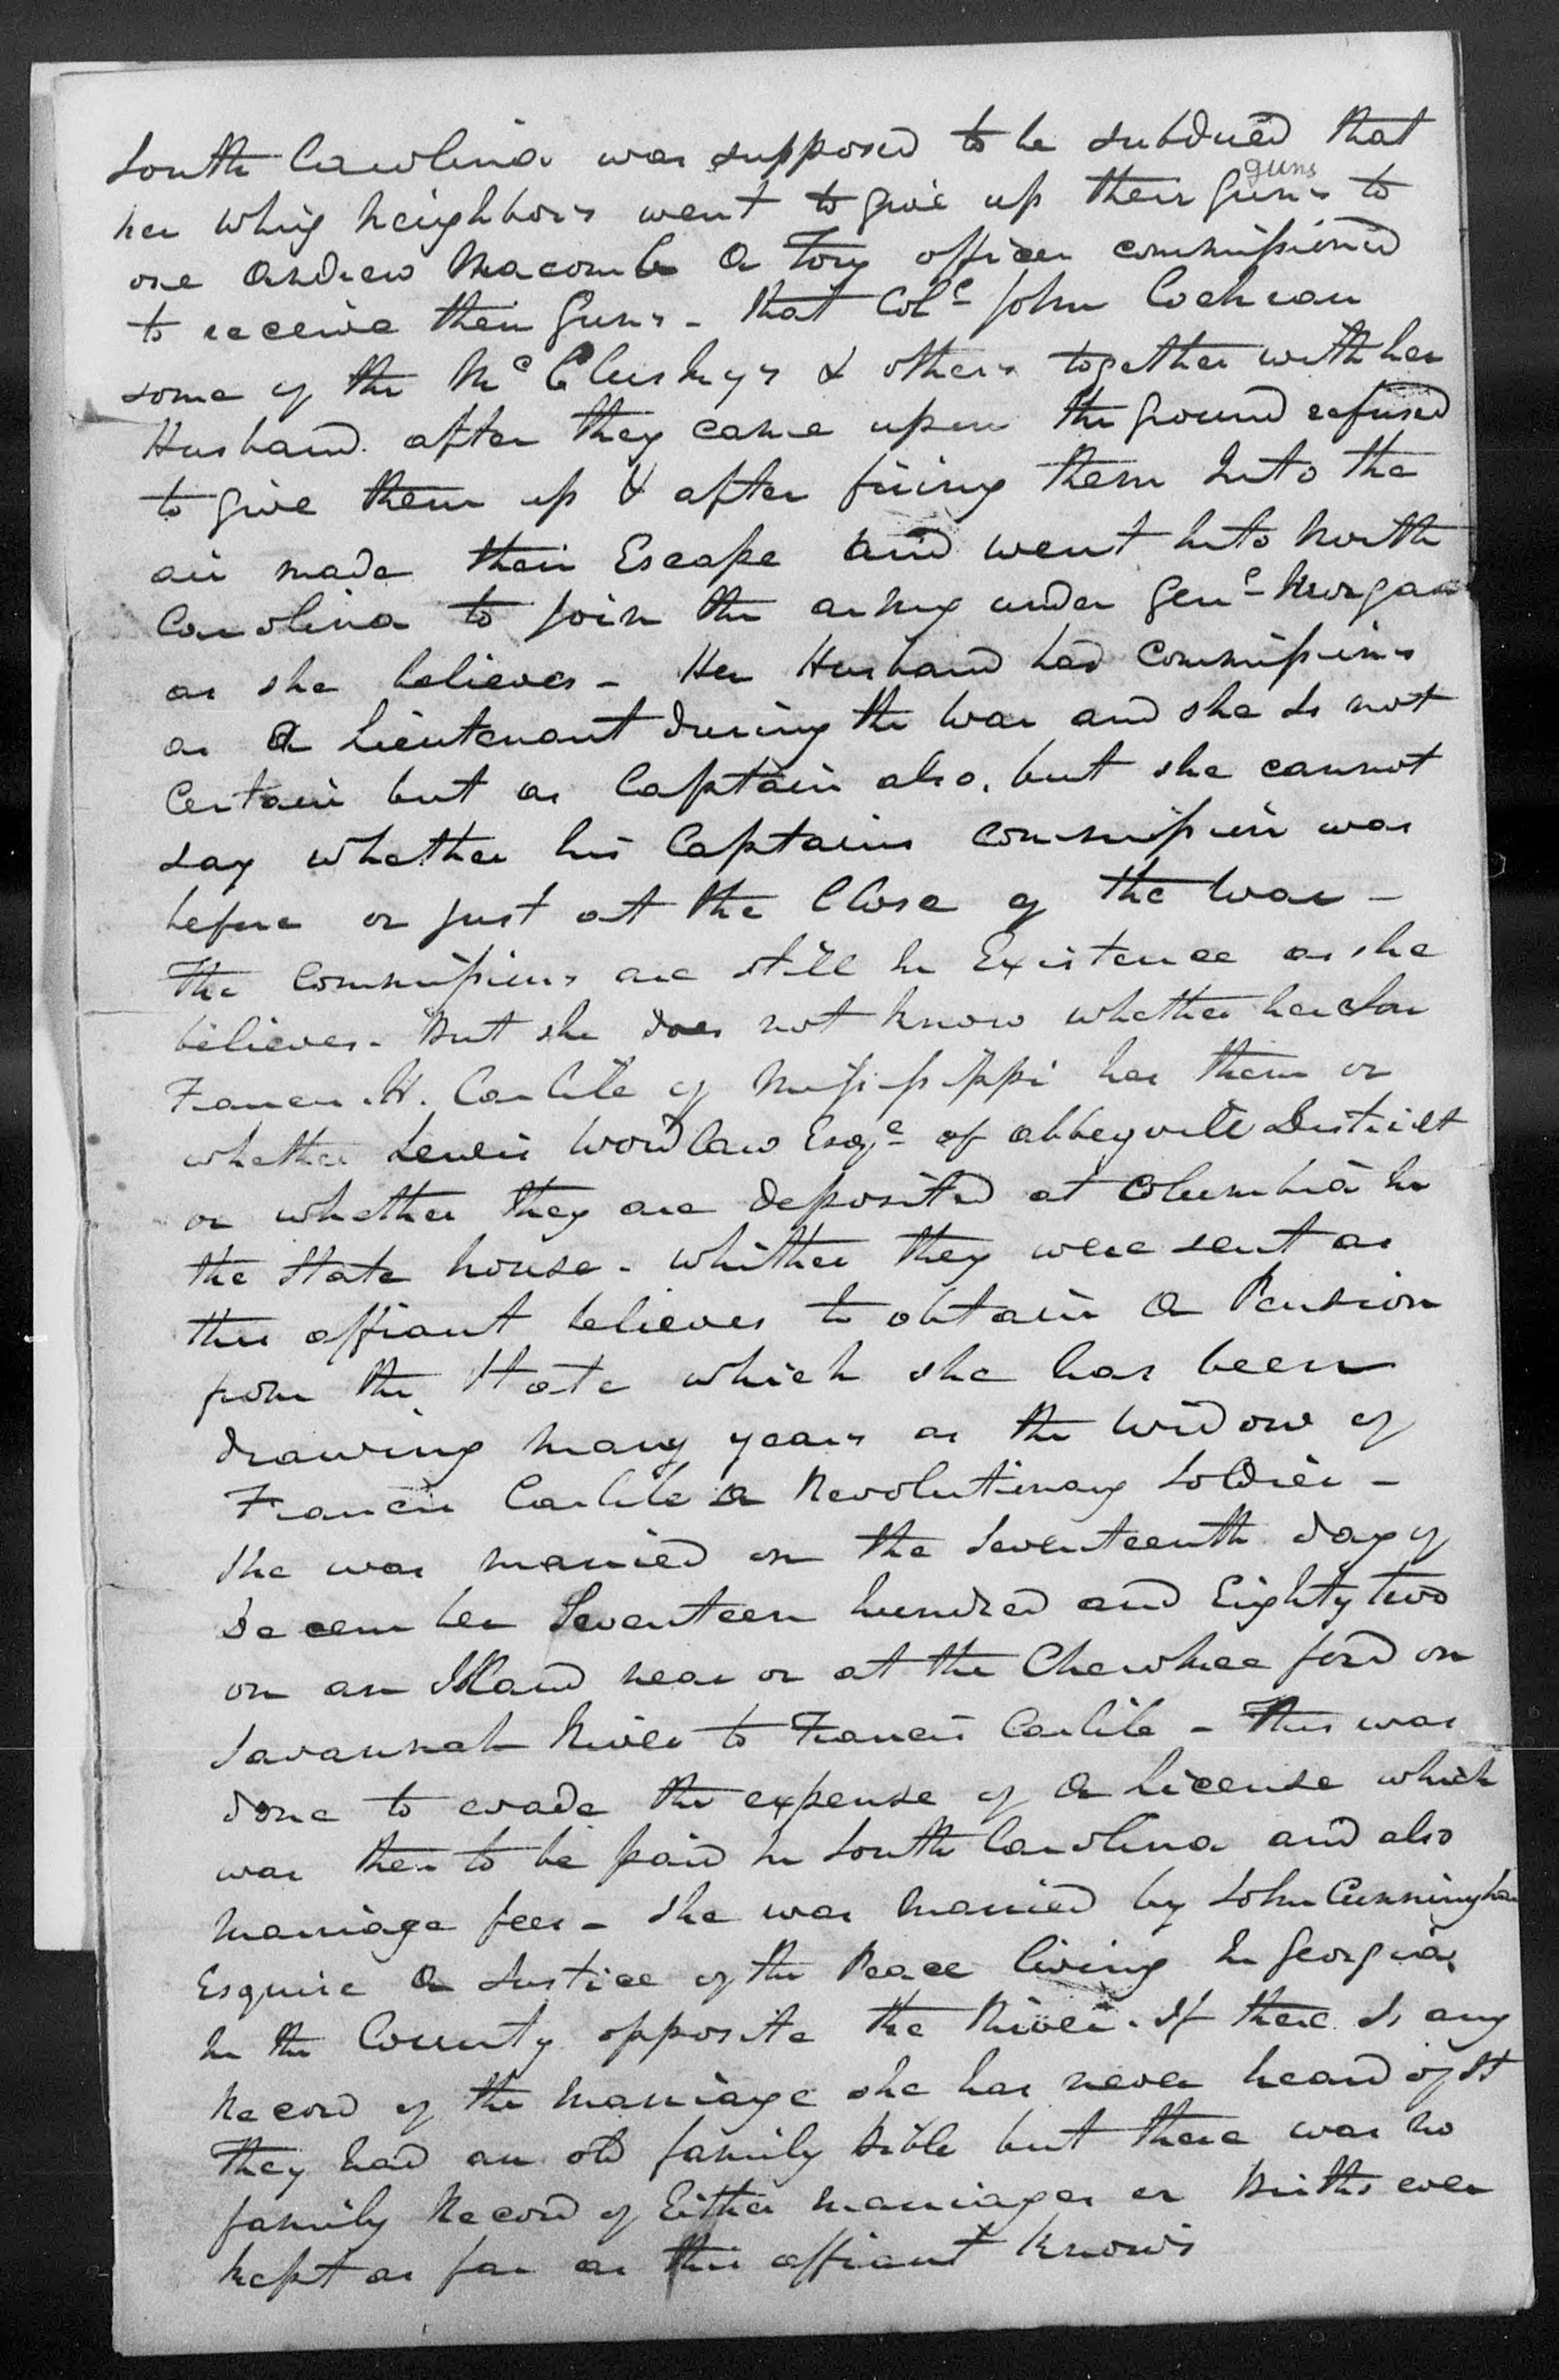South Carolina was supposed to be subdued that her whig neighbors went to give up their guns to
one Andrew Macomb a Tory officer commissioned to receive their guns.  That Col John Cochran some of the McCluskys & others together with her
Husband after they came upon the ground refused to give them up & after firing them into the air made their escape and went into North
Carolina to join the army under Genl Morgan as she believes. Her Husband had commission
Lieutenant during the war and she is not certain but a Captain also, but she cannot say whether his captains commission was before or just at the close of the war - the commissions are still in existence as she believes. But she does not know whether her Son Frances H. Carlisle of Mississippi has them or whether Lewis Wordlaw Esq of abbeyville District or whether they are deposited at Columbia
the State house, whether they were sent as the affiant believes to obtain a pension from the date which she has been drawing many years as the widow of Francis Carlile a Revolutionary soldier - she was married on the Seventeenth day of
December Seventeen hundred and Eighty two on an Island near or at the Cherokee ford on Savannah River to Francis Carlile. This was one to evade the expense of a License which was then to be paid in South Carolina and also marriage fees-- she was married by John Cunningham Esquire a Justice of the Peace living in Georgia
in the County opposite the River. If there is any Record of the Marriage she has never heard of it. they had an old family Bible but there was no
family record of Either marriages or births ever kept as far in this affiant knows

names: John Cunningham, John Cochran, Lewis Wardlaw, Francis H Carlile, Francis Carlile, Francis Carlile, Morgan, Andrew Macomb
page: 6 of 91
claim: widow's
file: W. 10576, Francis Carlisle, S.C.